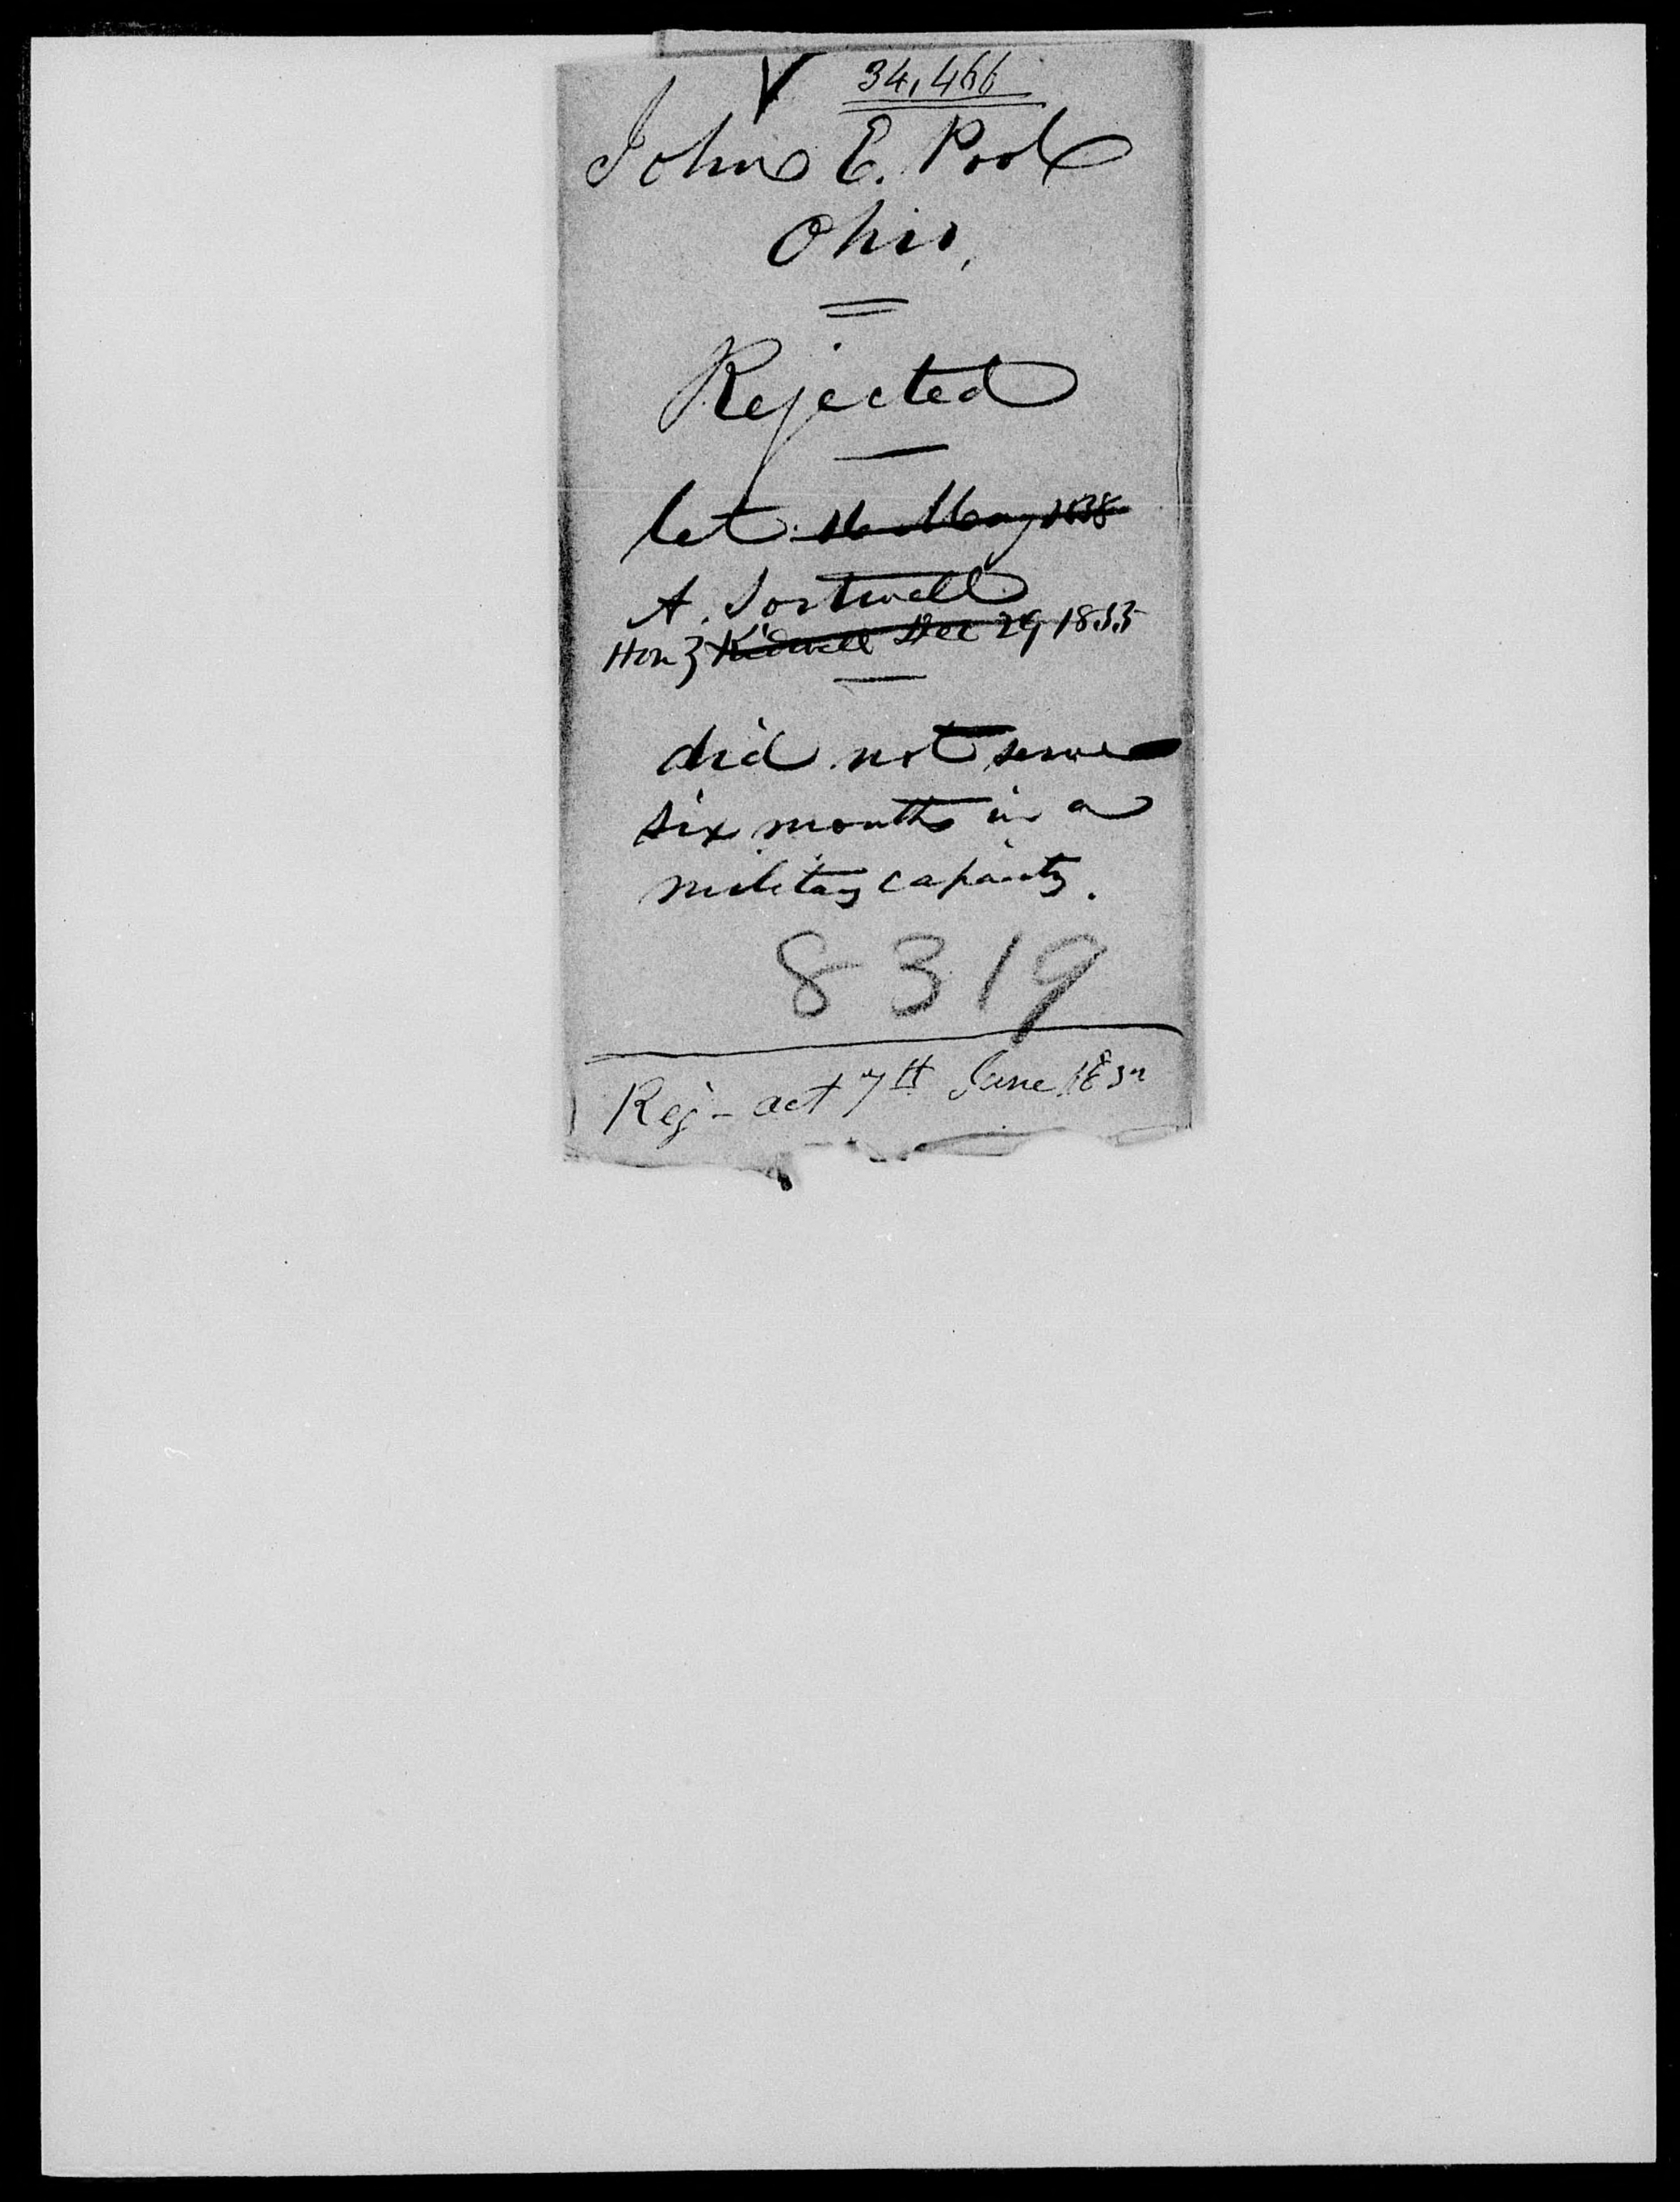V 34,466
John E. Pool
Ohio
__________
Rejected
___________
let A. Sortwell

did not serve six months in a military capacity.
8319
________________
Rej - Act 7th June 1832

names: John E Pool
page: 9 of 22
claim: rejected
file: R. 8,319, for John Engle Pool, Pennsylvania